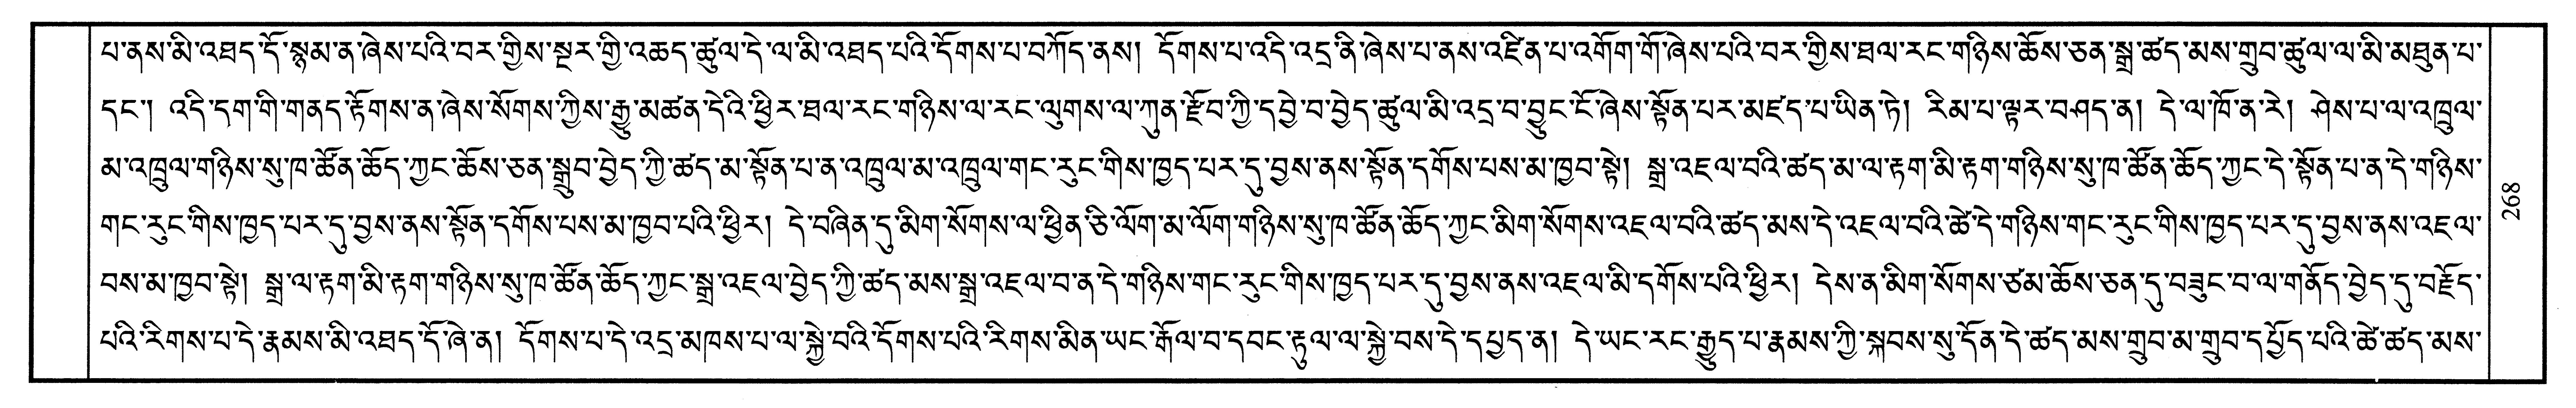པ་ནས་མི་འཐད་དོ་སྙམ་ན་ཞེས་པའི་བར་གྱིས་སྔར་གྱི་འཆད་ཚུལ་དེ་ལ་མི་འཐད་པའི་དོགས་པ་བཀོད་ནས། དོགས་པ་འདི་འདྲ་ནི་ཞེས་པ་ནས་འཛིན་པ་འགོག་གོ་ཞེས་པའི་བར་གྱིས་ཐལ་རང་གཉིས་ཆོས་ཅན་སྒྲ་ཚད་མས་གྲུབ་ཚུལ་ལ་མི་མཐུན་པ་
དང་། འདི་དག་གི་གནད་རྟོགས་ན་ཞེས་སོགས་ཀྱིས་རྒྱུ་མཚན་དེའི་ཕྱིར་ཐལ་རང་གཉིས་ལ་རང་ལུགས་ལ་ཀུན་རྫོབ་ཀྱི་དབྱེ་བ་བྱེད་ཚུལ་མི་འདྲ་བ་བྱུང་ངོ་ཞེས་སྟོན་པར་མཛད་པ་ཡིན་ཏེ། རིམ་པ་ལྟར་བཤད་ན། དེ་ལ་ཁོ་ན་རེ། ཤེས་པ་ལ་འཁྲུལ་
མ་འཁྲུལ་གཉིས་སུ་ཁ་ཚོན་ཆོད་ཀྱང་ཆོས་ཅན་སྒྲུབ་བྱེད་ཀྱི་ཚད་མ་སྟོན་པ་ན་འཁྲུལ་མ་འཁྲུལ་གང་རུང་གིས་ཁྱད་པར་དུ་བྱས་ནས་སྟོན་དགོས་པས་མ་ཁྱབ་སྟེ། སྒྲ་འཇལ་བའི་ཚད་མ་ལ་རྟག་མི་རྟག་གཉིས་སུ་ཁ་ཚོན་ཆོད་ཀྱང་དེ་སྟོན་པ་ན་དེ་གཉིས་
གང་རུང་གིས་ཁྱད་པར་དུ་བྱས་ནས་སྟོན་དགོས་པས་མ་ཁྱབ་པའི་ཕྱིར། དེ་བཞིན་དུ་མིག་སོགས་ལ་ཕྱིན་ཅི་ལོག་མ་ལོག་གཉིས་སུ་ཁ་ཚོན་ཆོད་ཀྱང་མིག་སོགས་འཇལ་བའི་ཚད་མས་དེ་འཇལ་བའི་ཚེ་དེ་གཉིས་གང་རུང་གིས་ཁྱད་པར་དུ་བྱས་ནས་འཇལ་
བས་མ་ཁྱབ་སྟེ། སྒྲ་ལ་རྟག་མི་རྟག་གཉིས་སུ་ཁ་ཚོན་ཆོད་ཀྱང་སྒྲ་འཇལ་བྱེད་ཀྱི་ཚད་མས་སྒྲ་འཇལ་བ་ན་དེ་གཉིས་གང་རུང་གིས་ཁྱད་པར་དུ་བྱས་ནས་འཇལ་མི་དགོས་པའི་ཕྱིར། དེས་ན་མིག་སོགས་ཙམ་ཆོས་ཅན་དུ་བཟུང་བ་ལ་གནོད་བྱེད་དུ་བརྗོད་
པའི་རིགས་པ་དེ་རྣམས་མི་འཐད་དོ་ཞེ་ན། དོགས་པ་དེ་འདྲ་མཁས་པ་ལ་སྐྱེ་བའི་དོགས་པའི་རིགས་མིན་ཡང་རྒོལ་བ་དབང་རྟུལ་ལ་སྐྱེ་བས་དེ་དཔྱད་ན། དེ་ཡང་རང་རྒྱུད་པ་རྣམས་ཀྱི་སྐབས་སུ་དོན་དེ་ཚད་མས་གྲུབ་མ་གྲུབ་དཔྱོད་པའི་ཚེ་ཚད་མས་